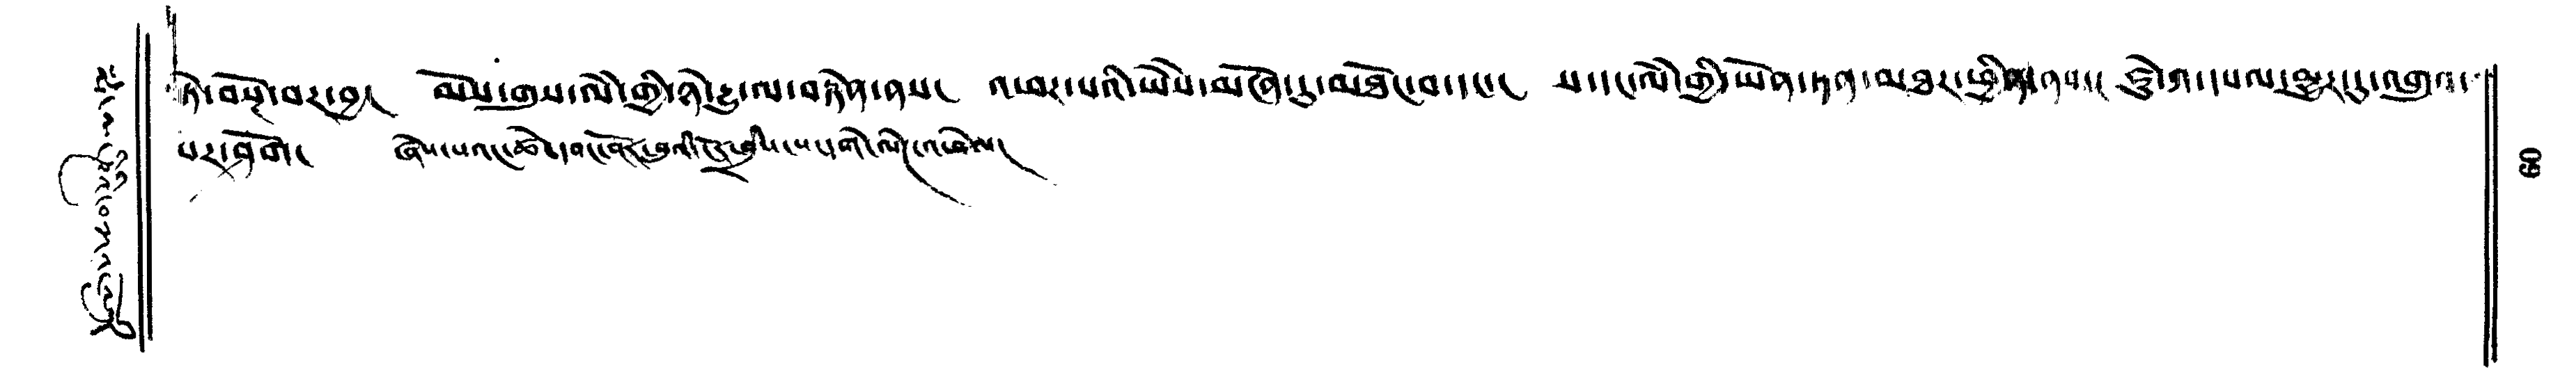ཏེ་བསྔོ་བར་བྱ། །མོས་གུས་ལམ་གྱི་ཉེ་རྒྱུད་ལ་བརྟེན་ནས། །འཕགས་པའི་ཡེ་ཤེས་མངོན་དུ་མཐོང་བ་དང་། །ས་དང་ལམ་གྱི་ཡོན་ཏན་མཐར་ཕྱིན་ནས། །ཧེ་རུ་ཀ་དཔལ་མྱུར་དུ་འགྲུབ་
པར་ཤོག ཞེས་པའང་ཚེ་དབང་ནོར་བུའི་ངོར་བྲིས་པ་དགེ་ལེགས་འཕེལ།། བཀྲ་ཤིས།།